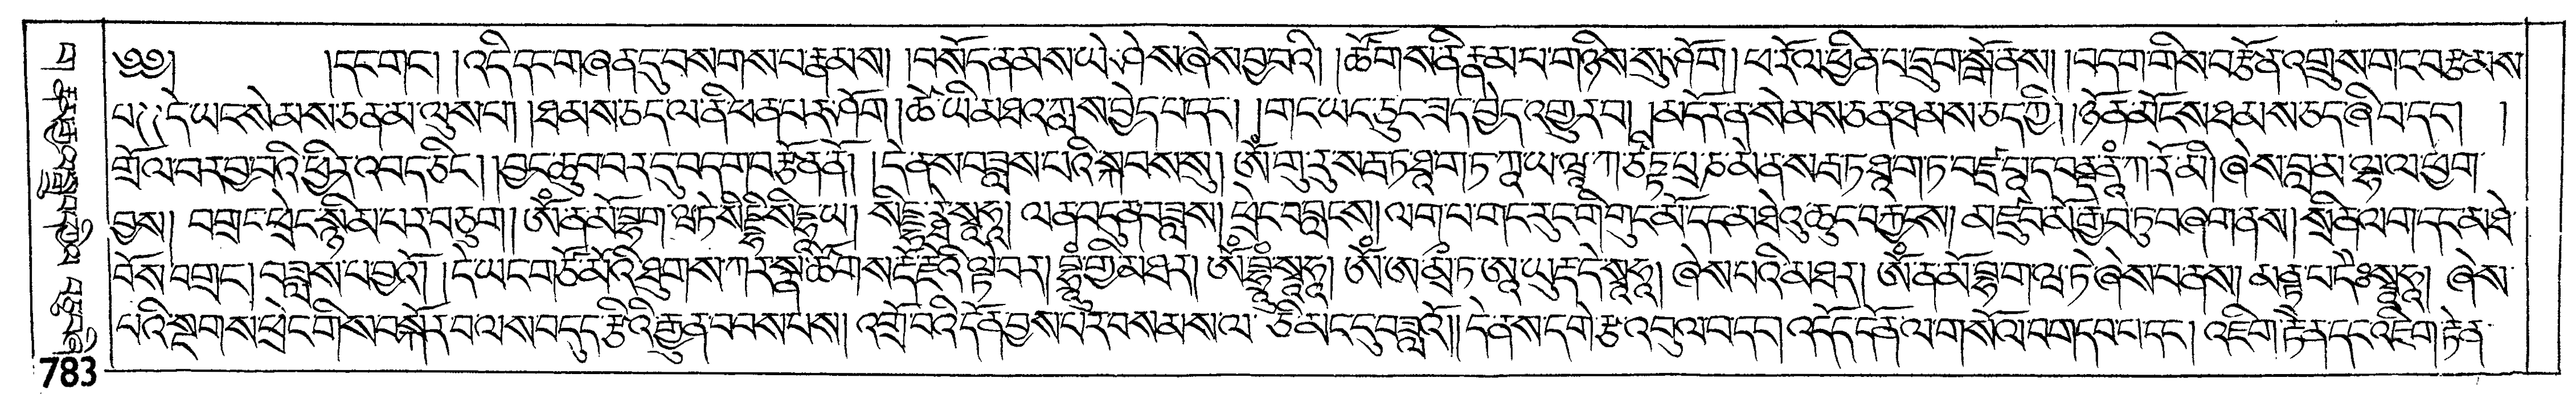༄༅། །དང་གང་། །འདི་དང་གཞན་དུ་བསགས་པ་རྣམས། །བསོད་ནམས་ཡེ་ཤེས་ཞེས་བྱ་བའི། །ཚོགས་ནི་རྣམ་པ་གཉིས་སུ་ཤོག །ཕ་རོལ་ཕྱིན་པ་དྲུག་སྒོ་ནས། །བདག་གིས་བརྩོན་འགྲུས་གང་བརྩམས་
པ། །དེ་ཡང་སེམས་ཅན་མ་ལུས་པ། །ཐམས་ཅད་ལ་ནི་ཕན་པར་ཤོག །ཚེ་ཡི་མཐའ་ཀླས་བྱེད་པ་དང་། །གང་ཡང་ཅུང་ཟད་བྱེད་འགྱུར་བ། །མདོར་ན་སེམས་ཅན་ཐམས་ཅད་ཀྱི། །ཉོན་མོངས་ཐམས་ཅད་ཞི་བ་དང་། །
གྲོལ་བར་བྱ་བའི་ཕྱིར་འབད་ཅིང་། །བྱང་ཆུབ་བར་དུ་བདག་བརྩོན་ནོ། །དེ་ནས་བཟླས་པའི་སྐབས་སུ། ཨོཾ་གུ་རུ་སརྦ་ཏ་ཐཱ་ག་ཏ་ཀཱ་ཡ་ཝཱ་ཀ་ཙིཏྟ་པྲ་ཎ་མེ་ན་སརྦ་ཏ་ཐཱ་ག་ཏ་བཛྲ་པཱ་ད་བནྡ་ནཱཾ་ཀ་རོ་མི། ཞེས་བླ་མ་ལྷ་ལ་ཕྱག་
བྱས། བགྲང་ཕྲེང་སྙིམ་པར་བཅུག །ཨོཾ་ན་མོ་བྷག་ཝ་ཏེ་སིདྡྷི་སིདྷཱི་ཡ། སིདྡྷ་རྠེ་སྭཱཧཱ། ལན་བདུན་བཟླས། ཕྲེང་བ་བླངས། ལག་པ་གང་རུང་གི་གུང་མོ་དང་མཐེའུ་ཆུང་བརྐྱངས། མཛུབ་མོ་རྒྱབ་ཏུ་བཞག་ནས། སྲིན་ལག་དང་མཐེ་
བོས་བགྲང་། བཟླས་པ་བྱའོ། །དེ་ཡང་གཙོ་མོའི་ཐུགས་ཀར་སྣ་ཚོགས་རྡོ་རྗེའི་ལྟེ་བར། བྷྲཱུཾ་གྱི་མཐར། ཨོཾ་བྷྲཱུཾ་སྭཱཧཱ། ཨོཾ་ཨ་མྲྀ་ཏ་ཨཱ་ཡུརྡ་དེ་སྭཱཧཱ། ཞེས་པའི་མཐར། ཨོཾ་ན་མོ་བྷ་ག་ཝ་ཏེ་ཞེས་པ་ནས། མནྟ་པ་དཻཿ སྭཱཧཱ། ཞེས་
པའི་སྔགས་ཕྲེང་གིས་བསྐོར་བ་ལས་བདུད་རྩིའི་རྒྱུན་བབས་པས། འགྲོ་བའི་དོན་བྱས་པར་བསམས་ལ་ཅི་མང་དུ་བཟླའོ། །དེ་ནས་དགེ་རྩ་འབུལ་བ་དང་། འདོད་དོན་ལ་གསོལ་བ་གདབ་པ་དང་། འཇིག་རྟེན་དང་འཇིག་རྟེན་